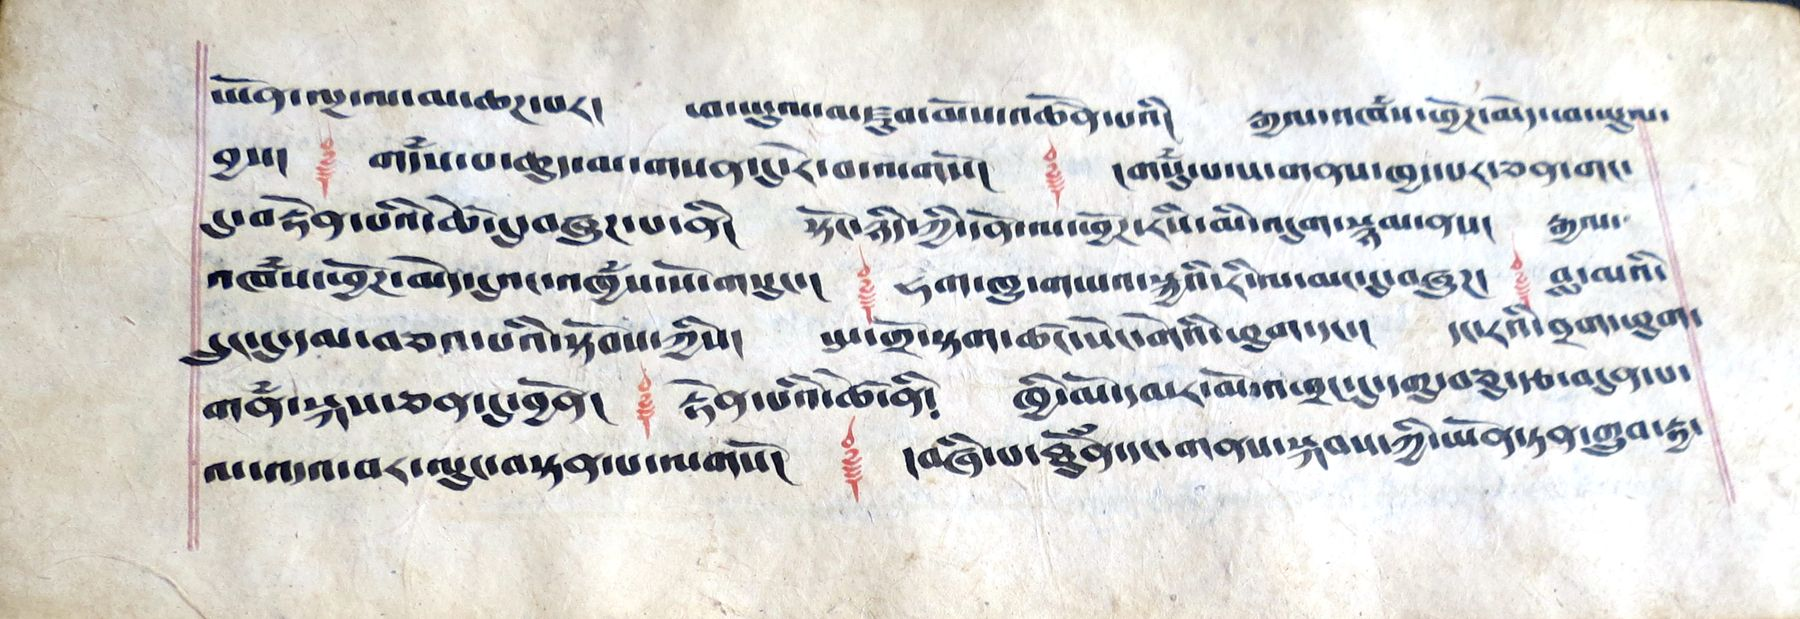ཡོན་ལྔ་ལ་མ་ཆགས་པར། ཕ་ཡུལ་འཛུབ་མོས་མཚོན་པའི། རྒྱལ་ཁམས་ཕྱོགས་མེད་ཕ་ཡུལ་
བྱས། གདམས་པ་ཆུད་མ་གསན་དུ་རེ་བ་ལགས་སོ། ། གསུམ་པ་ས་གནས་ཁྱད་པར་ཅན་གང་
དུ་བརྟེན་པའི་ཚེ་དུ་བཞུགས་པ་ནི། སྟོང་ཉིད་ཀྱི་དོན་ལ་ཕྱོགས་རིས་མི་འདུག་སྙམ་ནས། རྒྱལ་
ཁམས་ཕྱོགས་མེད་དུ་འཁྱམས་སོ་གསུངས། ཧག་ཁྱི་གཡའ་སྐྱིའི་རི་ལ་མང་དུ་བཞུགས། བླ་མའི་
དྲུང་དུ་དམ་བཅས་པའི་སྟོབས་ཀྱིས། སྤ་གྲོ་སྟག་ཚང་སེང་གེའི་ཕུག་དང་། དང་རའི་བྲག་ཕུག་
གནམ་སྐས་ཅན་དུ་བྱོན། བརྟེན་པའི་ཚེ་ནི། ཁྱི་མོ་དམར་མོའི་འཕྲང་དུ་དགུ་བཅུ་རྩ་བདུན་པ་
ལ་འདའ་བར་ལུང་བསྟན་པ་ལགས་སོ། ། བཞི་པ་ཐུན་མོང་དང་གནས་སྐབས་ཀྱི་ཡོན་ཏན་དང་གྲུབ་རྟགས་